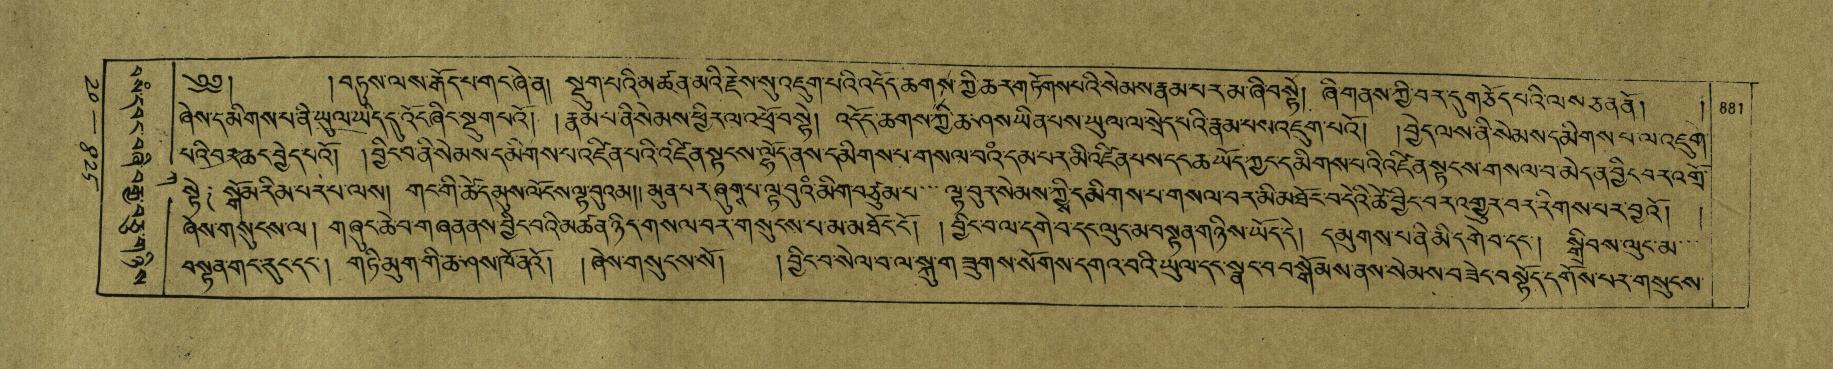༄༅། །བཏུས་ལས་རྒོད་པ་གང་ཞེ་ན། སྡུག་པའི་མཚན་མའི་རྗེས་སུ་འཇུག་པའི་འདོད་ཆགས་ཀྱི་ཆར་གཏོགས་པའི་སེམས་རྣམ་པར་མ་ཞི་བ་སྟེ། ཞི་གནས་ཀྱི་བར་དུ་གཅོད་པའི་ལས་ཅན་ནོ། །
ཞེས་དམིགས་པ་ནི་ཡུལ་ཡིད་དུ་འོང་ཞིང་སྡུག་པའོ། །རྣམ་པ་ནི་སེམས་ཕྱིར་ལ་འཕྲོ་བ་སྟེ། འདོད་ཆགས་ཀྱི་ཆ་ཤས་ཡིན་པས་ཡུལ་ལ་སྲེད་པའི་རྣམ་པས་འཇུག་པའོ། །བྱེད་ལས་ནི་སེམས་དམིགས་པ་ལ་འཇུག་
པའི་བར་ཆད་བྱེད་པའོ། །བྱིང་བ་ནི་སེམས་དམིགས་པ་འཛིན་པའི་འཛིན་སྟངས་ལྷོད་ནས་དམིགས་པ་གསལ་བའཾ་དམ་པར་མི་འཛིན་པས་དང་ཆ་ཡོད་ཀྱང་དམིགས་པའི་འཛིན་སྟངས་གསལ་བ་མེད་ན་བྱིང་བར་འགྲོ་
སྟེ༑ སྒོམ་རིམ་པར་པ་ལས། གང་གི་ཚེ་དམུས་ལོངས་ལྟ་བུའམ། མུན་པར་ཞུགས་པ་ལྟ་བུའཾ་མིག་བཙུམ་པ་ལྟ་བུར་སེམས་ཀྱིས་དམིགས་པ་གསལ་བར་མི་མཐོང་བ་དེའི་ཚེ་བྱིང་བར་འགྱུར་བར་རིགས་པར་བྱའོ། །
ཞེས་གསུངས་ལ། གཞུང་ཆེ་བ་གཞན་ནས་བྱིང་བའི་མཚན་ཉིད་གསལ་བར་གསུངས་པ་མ་མཐོང་ངོ། །བྱིང་བ་ལ་དགེ་བ་དང་ལུང་མ་བསྟན་གཉིས་ཡོད་དེ། དམུགས་པ་ནི་མི་དགེ་བ་དང་། སྒྲིབས་ལུང་མ་
བསྟན་གང་རུང་དང་། གཏི་མུག་གི་ཆ་ཤས་ཁོ་ནའོ། །ཞེས་གསུངས་སོ། །བྱིང་བ་སེལ་བ་ལ་སྐུ་གཟུགས་སོགས་དགའ་བའི་ཡུལ་དང་སྣང་བ་བསྒོམས་ནས་སེམས་བཟེད་བསྟོད་དགོས་པར་གསུངས་